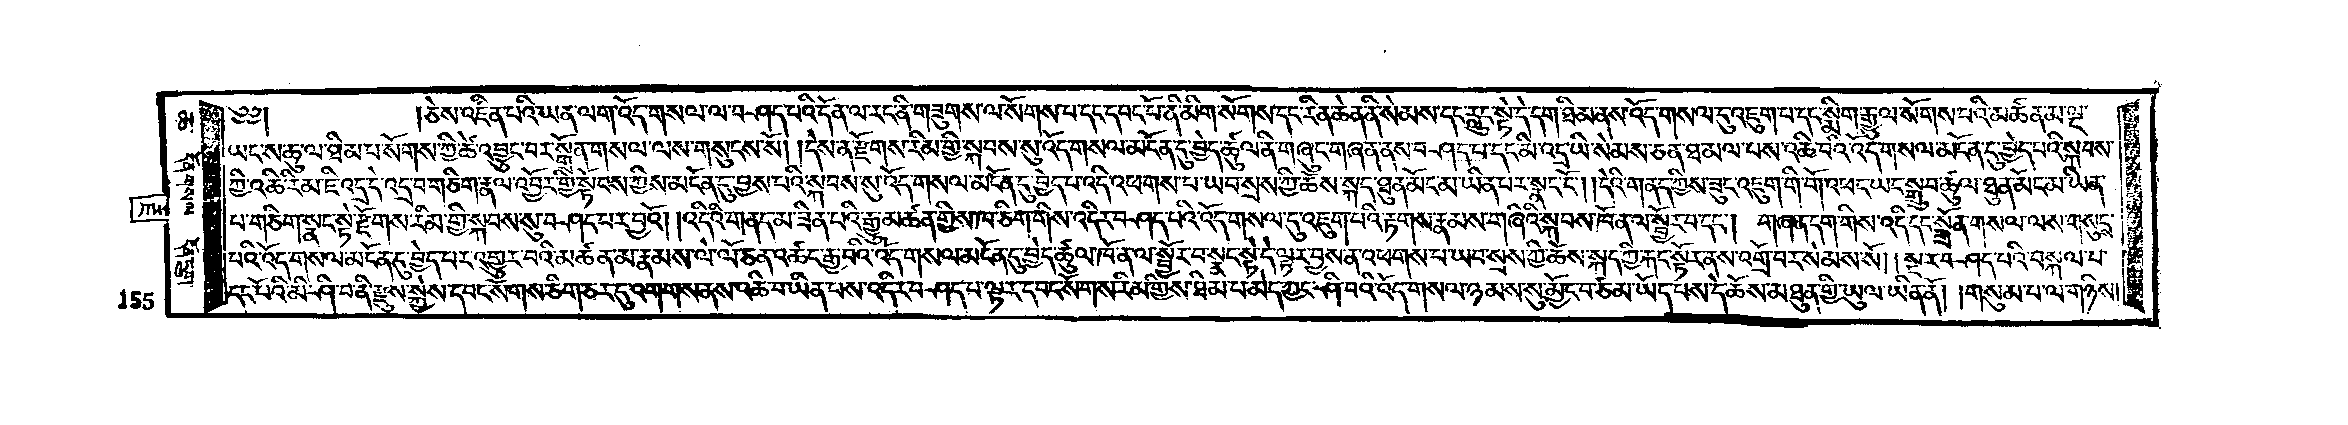༄༅། །ཅེས་འཛིན་པའི་ཡན་ལག་འོད་གསལ་ལ་བཤད་པའི་དོན་ལ་རང་ནི་གཟུགས་ལ་སོགས་པ་དང་དབང་པོ་ནི་མིག་སོགས་དང་རིན་ཆེན་ནི་སེམས་དང་རླུང་སྟེ་དེ་དག་ཐིམ་ནས་འོད་གསལ་དུ་འཇུག་པ་དང་སྨིག་རྒྱུ་ལ་སོགས་པའི་མཚན་མ་ལྔ་
ཡང་ས་ཆུ་ལ་ཐིམ་པ་སོགས་ཀྱི་ཚེ་འབྱུང་བར་སྒྲོན་གསལ་ལས་གསུངས་སོ། །དེས་ན་རྫོགས་རིམ་གྱི་སྐབས་སུ་འོད་གསལ་མངོན་དུ་བྱེད་ཚུལ་ནི་གཞུང་གཞན་ནས་བཤད་པ་དང་མི་འདྲ་ཡི་སེམས་ཅན་ཐ་མལ་པས་འཆི་བའི་འོད་གསལ་མངོན་དུ་བྱེད་པའི་སྐབས་
ཀྱི་འཆི་རིམ་ཇི་འདྲ་དེ་འདྲ་བ་གཅིག་རྣལ་འབྱོར་གྱི་སྟོབས་ཀྱིས་མངོན་དུ་བྱས་པའི་སྐབས་སུ་འོད་གསལ་མངོན་དུ་བྱེད་པ་འདི་འཕགས་པ་ཡབ་སྲས་ཀྱི་ཆོས་སྐད་ཐུན་མོང་མ་ཡིན་པར་སྣང་ངོ། །དེའི་གནད་ཀྱིས་ཟུང་འཇུག་གི་གོ་འཕང་ཡང་སྒྲུབ་ཚུལ་ཐུན་མོང་མ་ཡིན་
པ་གཅིག་སྣང་སྟེ་རྫོགས་རིམ་གྱི་སྐབས་སུ་བཤད་པར་བྱའོ། །འདིའི་གནད་མ་ཟིན་པའི་རྒྱུ་མཚན་གྱིས་ཁ་ཅིག་གིས་འདིར་བཤད་པའི་འོད་གསལ་དུ་འཇུག་པའི་རྟགས་རྣམས་གཞིའི་སྐབས་ཁོ་ན་ལ་སྦྱོར་བ་དང་། གཞན་དག་གིས་འདི་དང་སྒྲོན་གསལ་ལས་གསུངས་
པའི་འོད་གསལ་མངོན་དུ་བྱེད་པར་འགྱུར་བའི་མཚན་མ་རྣམས་ལེ་ལོ་ཅན་འཚང་རྒྱ་བའི་འོད་གསལ་མངོན་དུ་བྱེད་ཚུལ་ཁོ་ན་ལ་སྦྱོར་བ་སྣང་སྟེ་དེ་ལྟར་བྱས་ན་འཕགས་པ་ཡབ་སྲས་ཀྱི་ཆོས་སྐད་ཀྱི་རྐང་སྟོར་ནས་འགྲོ་བར་སེམས་སོ། །སྔར་བཤད་པའི་བསྐལ་པ་
དང་པོའི་མི་ཤི་བ་ནི་རྫུས་སྐྱེས་དབང་སོགས་ཅིག་ཅར་དུ་འགགས་ནས་འཆི་བ་ཡིན་པས་འདིར་བཤད་པ་ལྟར་དབང་སོགས་རིམ་གྱིས་ཐིམ་པ་མེད་ཀྱང་ཤི་བའི་འོད་གསལ་ཉམས་སུ་མྱོང་བ་ཙམ་ཡོད་པས་དེ་ཆོས་མཐུན་གྱི་ཡུལ་ཡིན་ནོ། །གསུམ་པ་ལ་གཉིས།